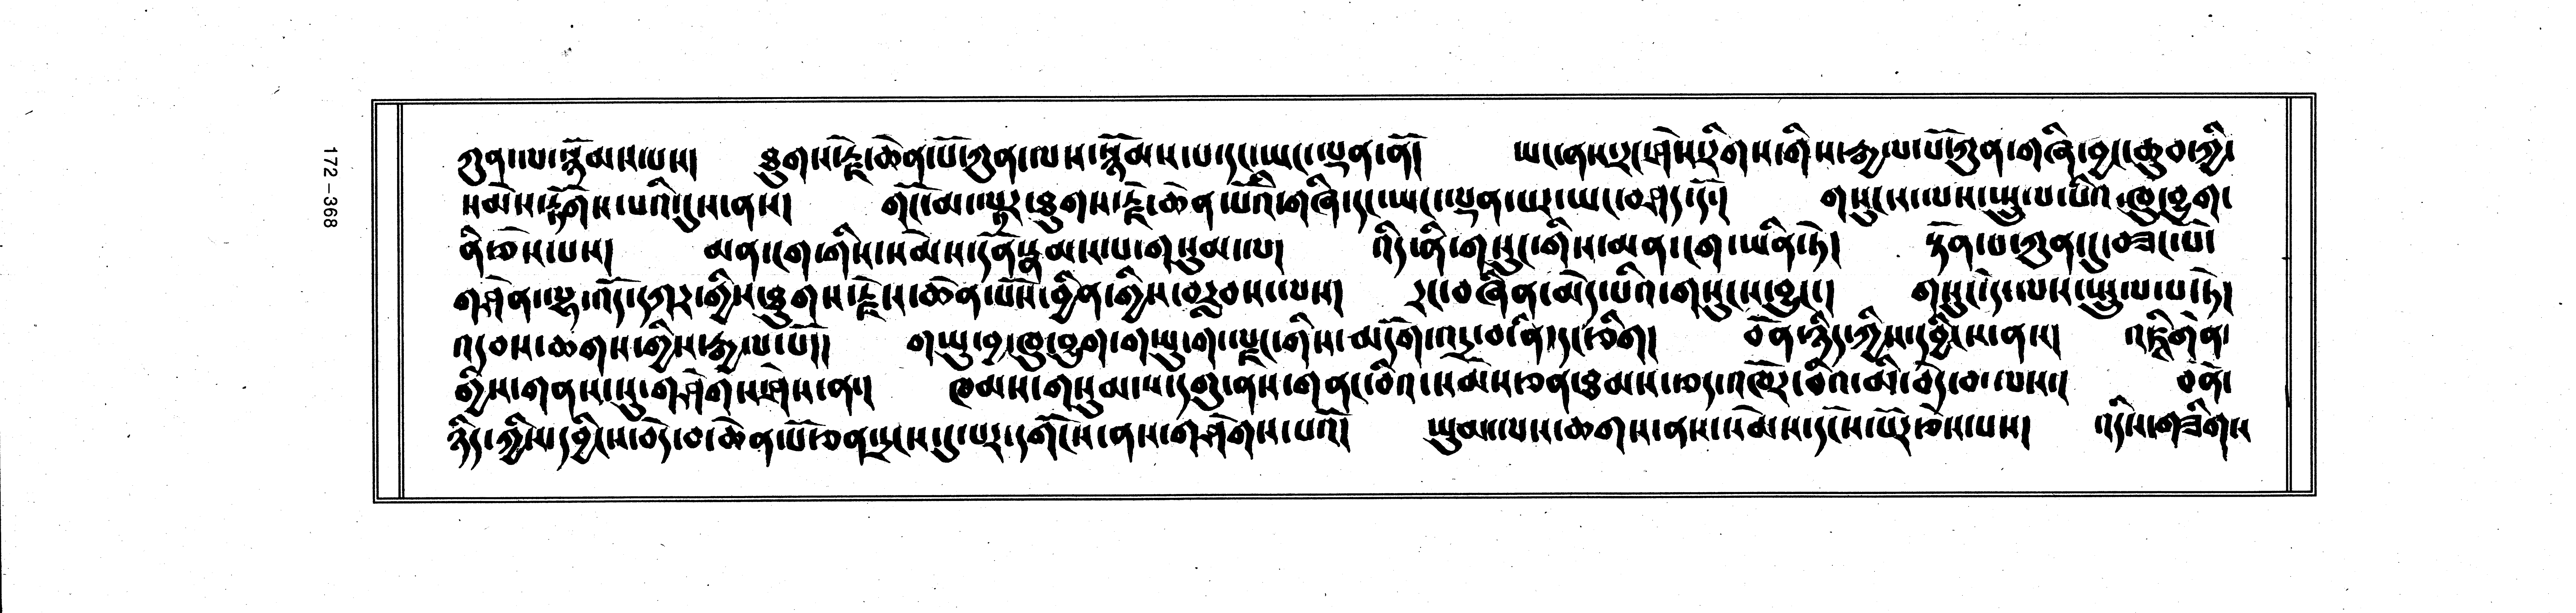ཀུན་ལ་སྙོམས་པས། ཐུགས་རྗེ་ཆེན་པོ་ཀུན་ལས་སྙོམས་པ་དང་ཡང་ལྡན་ནོ། ཡང་ནས་རང་ཤེས་རིགས་གིས་རྒྱལ་པོ་ཀུན་གཞི་བྱང་ཆུབ་ཀྱི་
སེམས་རྟོགས་པའི་དུས་ནས། གོང་མ་ལྟར་ཐུགས་རྗེ་ཆེན་པོའི་གཞི་དང་ཡང་ལྡན་པར་ཡང་བཤད་དོ། གསུངས་ལས་སྤྲུལ་པའི་ཁུ་བྱུག་
ནི་ཅེས་པས། མན་ངག་གིས་སེམས་དོན་རྣམ་པ་གསུམ་ལ། འདི་ནི་གསུང་གིས་མན་ངག་ཡིན་ཏེ། སྟོན་པ་ཀུན་ཏུ་བཟང་པོ་
གཤེན་ལྷ་འོད་དཀར་གྱིས་ཐུགས་རྗེ་ཆེན་པོས་བྱིན་གྱིས་བརླབས་ལས། རང་བཞིན་མེད་པའི་གསུངས་བྱུང་། གསུང་དེ་ལས་སྤྲུལ་པ་ཏེ། 
འདབས་ཆགས་གྱིས་རྒྱལ་པོ། གཡུ་བྱ་ཁུ་བྱུག་གཡུ་ག་ལྗང་གིས་མདོག་འདྲ་བ་ནི་དང་ཅིག བོན་ཉིད་ཀྱིས་དབྱིངས་ནས། འཇིག་རྟེན་
གྱིས་གནས་སུ་གཤེགས་ཤེས་ན། ཁམས་གསུམ་ས་དགུ་ནས་གནང་བའི་སེམས་ཅན་ཐམས་ཅད་འཁོར་བའི་མི་བདེ་བ་ལས། བོན་
ཉིད་ཀྱིས་དབྱིངས་བདེ་བ་ཆེན་པོ་ཅན་དྲངས་དུ་པར་དགོངས་ནས་གཤེགས་པའོ། ཡུམ་ལས་ཆགས་ནས་སེམས་དངོས་པོར་ཅེས་པས། འདིས་གཟིགས་